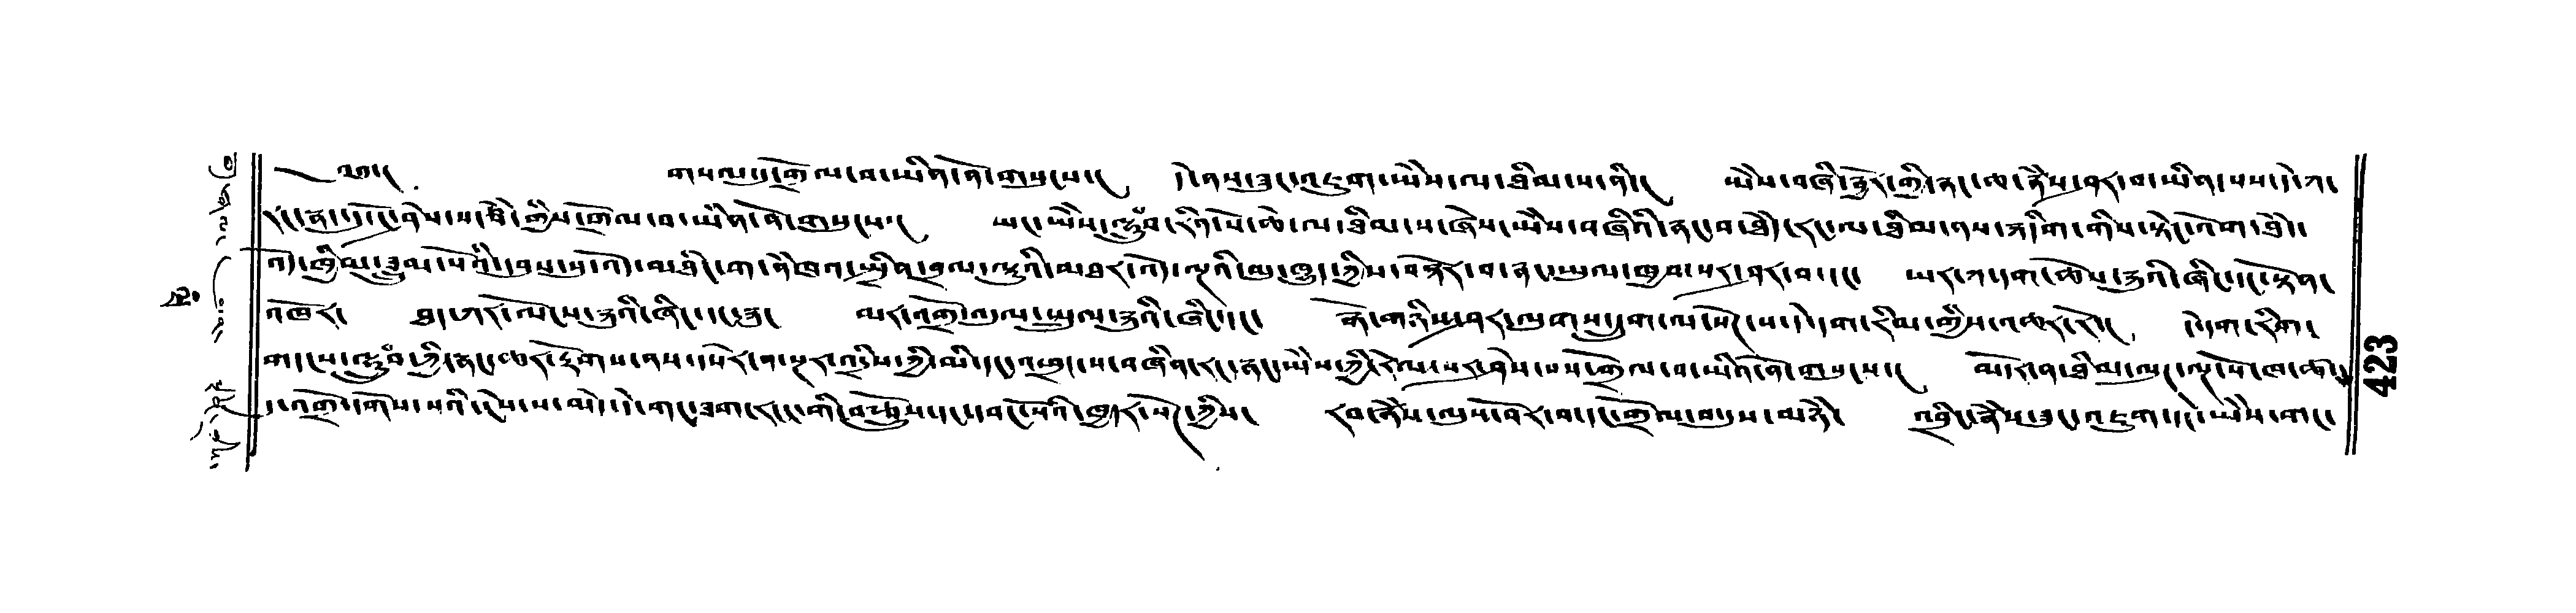གསལ་དུ་གྲོལ་བ་ཡིན་ནོ་གསུངས། དེ་ནས་ཟུང་འཇུག་ཡེ་ཤེས་ལ་ཐིམ་པ་ནི། ཡེ་ཤེས་བཞི་སྦྱོར་གྱི་སྣང་ཆ་རྣམས་ཤར་བ་ཡིན་པས་དེ་ཀ་
རང་སྣང་དུ་ངོ་ཤེས་པ་ཙམ་གྱིས་གྲོལ་བ་ཡིན་ནོ་གསུངས། ཡང་ཡེ་ཤེས་ལྷུན་གྲུབ་རིན་པོ་ཆེ་ལ་ཐིམ་པ་ཞེས་ཡེ་ཤེས་བཞིའི་སྣང་བ་ཐམས་ཅད་རང་ལ་ཐིམ་ནས་སྐད་ཅིག་གིས་སྟེང་འོག་ཐམས་ཅད་
འོད་ཁྱིམ་ཟླུམ་པོའི་དབུས་སུ་འོད་མཐིང་ག་ནམ་མཁའ་སྤྲིན་བྲལ་ལྟ་བུའི་མཐར་འོད་ལྔའི་མུ་ཁྱུད་ཀྱིས་བསྐོར་བ་སྣང་ཡུལ་ཁྱབ་པར་ཤར་བ་དང་།ཡར་ཀ་དག་ཆོས་སྐུའི་ཞིང་དང་སྟོན་
འཁོར། ཐད་དཀར་ལོངས་སྐུའི་ཞིང་དང་སྐུ། མར་འགྲོ་འདུལ་སྤྲུལ་སྐུའི་ཞིང་དང་། སྒོ་གཉིས་ཤར་ལུགས་དྲུག་ལ་སོགས་པ་དེ་དག་རིམ་གྱིས་འཆར་རོ། དེ་དག་རིག་
གདངས་ལྷུན་གྲུབ་ཀྱི་སྣང་ཆར་རྟོགས་ནས་དཔེར་ན་སྔར་འདྲིས་ཀྱི་མི་དང་འཕྲད་པ་བཞིན་རང་སྣང་ཡེ་ཤེས་ཀྱི་རོལ་པར་ཤེས་བས་གྲོལ་བ་ཡིན་ནོ་གསུངས། མདོར་ན་ཐིམ་ལུགས་ལྔ་པོ་ཁ་ཚང་
དུ་འགྲོ་དགོས་པའི་ངེས་པ་མེད་དེ་གང་ཟག་རང་རང་གི་བརྩོན་འགྲུས་དང་དབང་པོའི་ཁྱད་པར་སོགས་ཀྱིས། རབ་རྣམས་ལུས་བོར་བ་དང་གྲོལ་བ་དུས་མཉམ། འབྲིང་རྣམས་ཟུང་འཇུག་དང་ཡེ་ཤེས་གང་